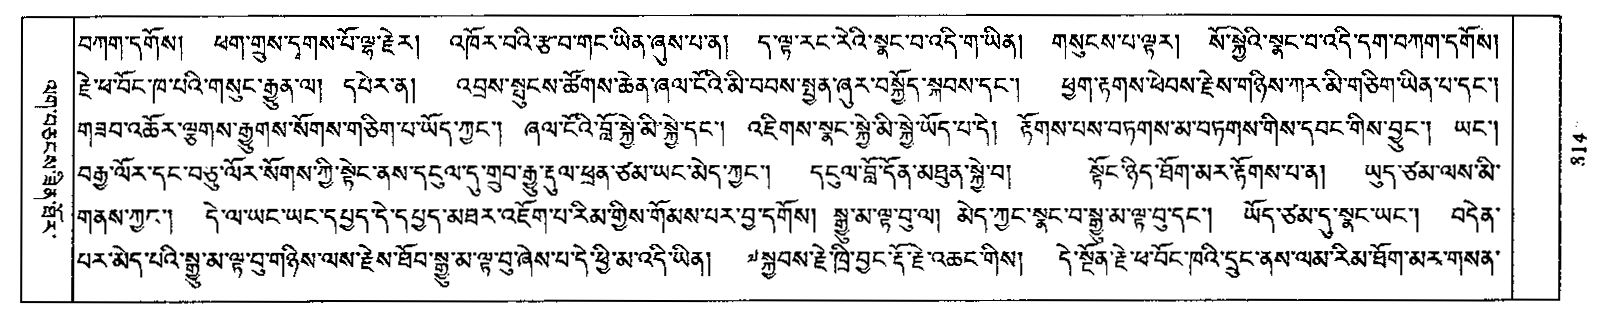བཀག་དགོས། ཕག་གྲུས་དྭགས་པོ་ལྷ་རྗེར། འཁོར་བའི་རྩ་བ་གང་ཡིན་ཞུས་པ་ན། ད་ལྟ་རང་རེའི་སྣང་བ་འདི་ག་ཡིན། གསུངས་པ་ལྟར། སོ་སྐྱེའི་སྣང་བ་འདི་དག་བཀག་དགོས།
རྗེ་ཕ་བོང་ཁ་པའི་གསུང་རྒྱུན་ལ། དཔེར་ན། འབྲས་སྤུངས་ཚོགས་ཆེན་ཞལ་ངོའི་མི་བབས་སྦྱན་ཞུར་བསྐྱོད་སྐབས་དང་། ཕྱག་རྟགས་ཕེབས་རྗེས་གཉིས་ཀར་མི་གཅིག་ཡིན་པ་དང་།
གཟབ་འཆོར་ལྕགས་རྒྱུགས་སོགས་གཅིག་པ་ཡོད་ཀྱང་། ཞལ་ངོའི་བློ་སྐྱེ་མི་སྐྱེ་དང་། འཇིགས་སྣང་སྐྱེ་མི་སྐྱེ་ཡོད་པ་དེ། རྟོགས་པས་བཏགས་མ་བཏགས་གིས་དབང་གིས་བྱུང་། ཡང་།
བརྒྱ་ལོར་དང་བཅུ་ལོར་སོགས་ཀྱི་སྟེང་ནས་དངུལ་དུ་གྲུབ་རྒྱུ་རྡུལ་ཕྲན་ཙམ་ཡང་མེད་ཀྱང་། དངུལ་བློ་དོན་མཐུན་སྐྱེ་བ། སྟོང་ཉིད་ཐོག་མར་རྟོགས་པ་ན། ཡུད་ཙམ་ལས་མི་
གནས་ཀྱང་། དེ་ལ་ཡང་ཡང་དཔྱད་དེ་དཔྱད་མཐར་འཇོག་པ་རིམ་གྱིས་གོམས་པར་བྱ་དགོས། སྒྱུ་མ་ལྟ་བུ་ལ། མེད་ཀྱང་སྣང་བ་སྒྱུ་མ་ལྟ་བུ་དང་། ཡོད་ཙམ་དུ་སྣང་ཡང་། བདེན་
པར་མེད་པའི་སྒྱུ་མ་ལྟ་བུ་གཉིས་ལས་རྗེས་ཐོབ་སྒྱུ་མ་ལྟ་བུ་ཞེས་པ་དེ་ཕྱི་མ་འདི་ཡིན། ༧་སྐྱབས་རྗེ་ཁྲི་བྱང་རྡོ་རྗེ་འཆང་གིས། དེ་སྔོན་རྗེ་ཕ་བོང་ཁའི་དྲུང་ནས་ལམ་རིམ་ཐོག་མར་གསན་